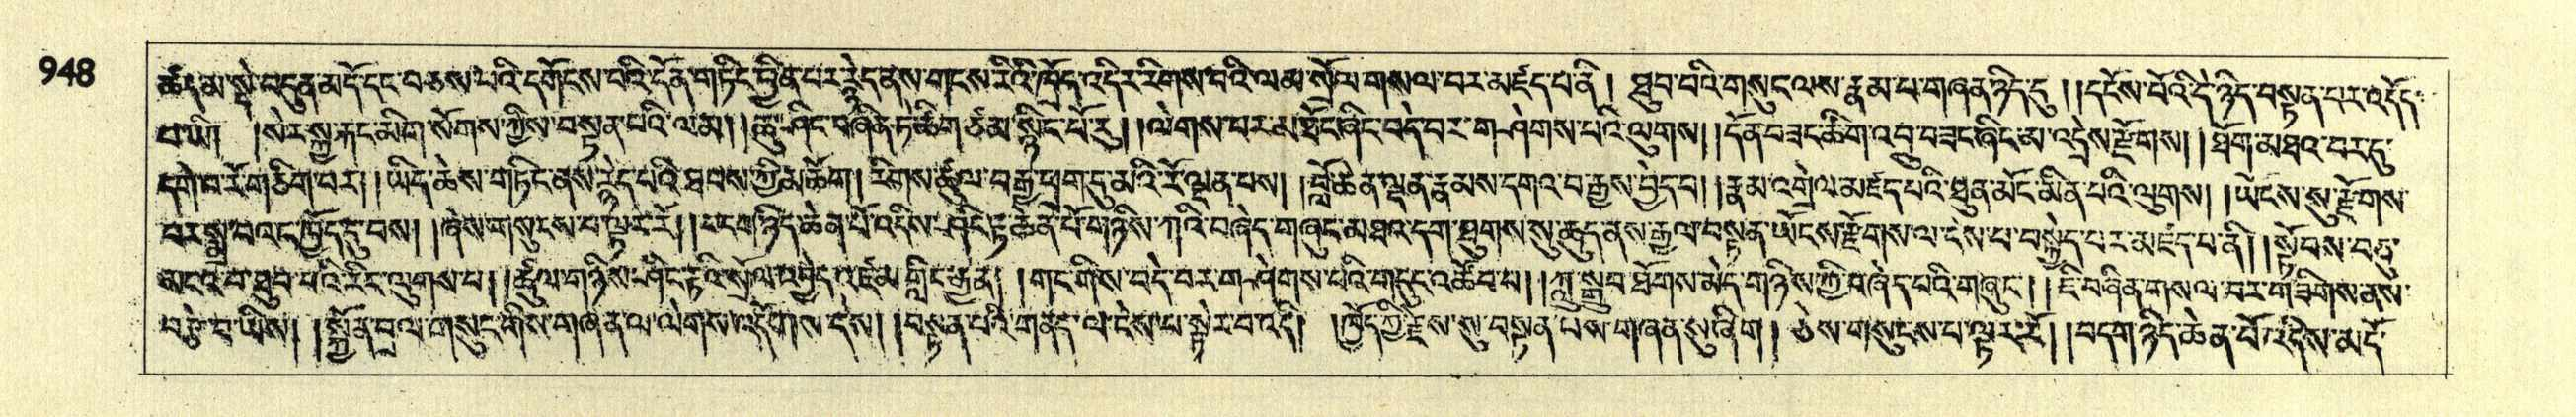ཚད་མ་སྡེ་བདུན་མདོ་དང་བཅས་པའི་དགོངས་བའི་དོན་གཏིང་བྱིན་པར་རྙེད་ནས་གངས་རིའི་ཁྲོད་འདིར་རིགས་བའི་ལམ་སྲོལ་གསལ་བར་མཛད་པ་ནི། ཐུབ་པའི་གསུང་ལས་རྣམ་པ་གཞན་ཉིད་དུ། །དངོས་པོའི་དེ་ཉིད་བསྟན་པར་འདོད་
པ་ཡི། །སེར་སྐྱ་རྐང་མིག་སོགས་ཀྱིས་བསྟན་པའི་ལམ། །ཆུ་ཤིང་བཞིན་ཏེ་ཚིག་ཙམ་སྙིང་པོ་རུ། །ལེགས་པར་མཐོང་ཞིང་བདེ་བར་གཤེགས་པའི་ལུགས། །དོན་བཟང་ཚིག་འབྲུ་བཟང་ཞིང་མ་འདྲེས་རྫོགས། །ཐོག་མཐའ་བར་དུ་
དགེ་བ་རོ་གཅིག་བར། །ཡིད་ཆེས་གཏིང་ནས་རྙེད་པའི་ཐབས་ཀྱི་མཆོག། རིགས་ཚུལ་བརྒྱ་ཕྲག་དུ་མའི་རོ་ལྡན་པས། །བློ་ཆེན་ལྡན་རྣམས་དགའ་བ་རྒྱས་བྱེད་བ། །རྣམ་འགྲེལ་མཛད་པའི་ཐུན་མོང་མིན་པའི་ལུགས། །ཡོངས་སུ་རྫོགས་
བར་སྨྲ་བའང་ཁྱོད་དུ་བས། །ཞེས་གསུངས་པ་ལྟར་རོ། །བདག་ཉིད་ཆེན་པོ་འདིས་ཤིང་རྟ་ཆེན་པོ་གཉིས་ཀའི་བཞེད་གཞུང་མཐའ་དག་ཐུགས་སུ་ཆུད་ནས་རྒྱལ་བསྟན་ཡོངས་རྫོགས་ལ་ངེས་པ་བསྐྱེད་པར་མཛད་པ་ནི། །སྟོབས་བཅུ་
མངའ་བ་ཐུབ་པའི་རིང་ལུགས་པ། །ཚུལ་གཉིས་ཤིང་རྟའི་སྲོལ་འབྱེད་འཛམ་གླིང་རྒྱན། །གང་གིས་བདེ་བར་གཤེགས་པའི་གདུང་འཚོབ་པ། །ཀླུ་སྒྲུབ་ཐོགས་མེད་གཉིས་ཀྱི་བཞེད་པའི་གཞུང་། །ཇི་བཞིན་གསལ་བར་གཟིགས་ནས་
བརྩེ་བ་ཡིས། །སྐྱོན་བྲལ་གསུང་གིས་གཞན་ལ་ལེགས་འདོགས་དེས། །བསྟན་པའི་གནད་ལ་ངེས་པ་སྟེར་བ་འདི། །ཁྱོད་ཀྱི་རྗེས་སུ་བསྟན་པས་གཞན་སུ་ཞིག། ཅེས་གསུངས་པ་ལྟར་རོ། །བདག་ཉིད་ཆེན་པོ་འདིས་མདོ་